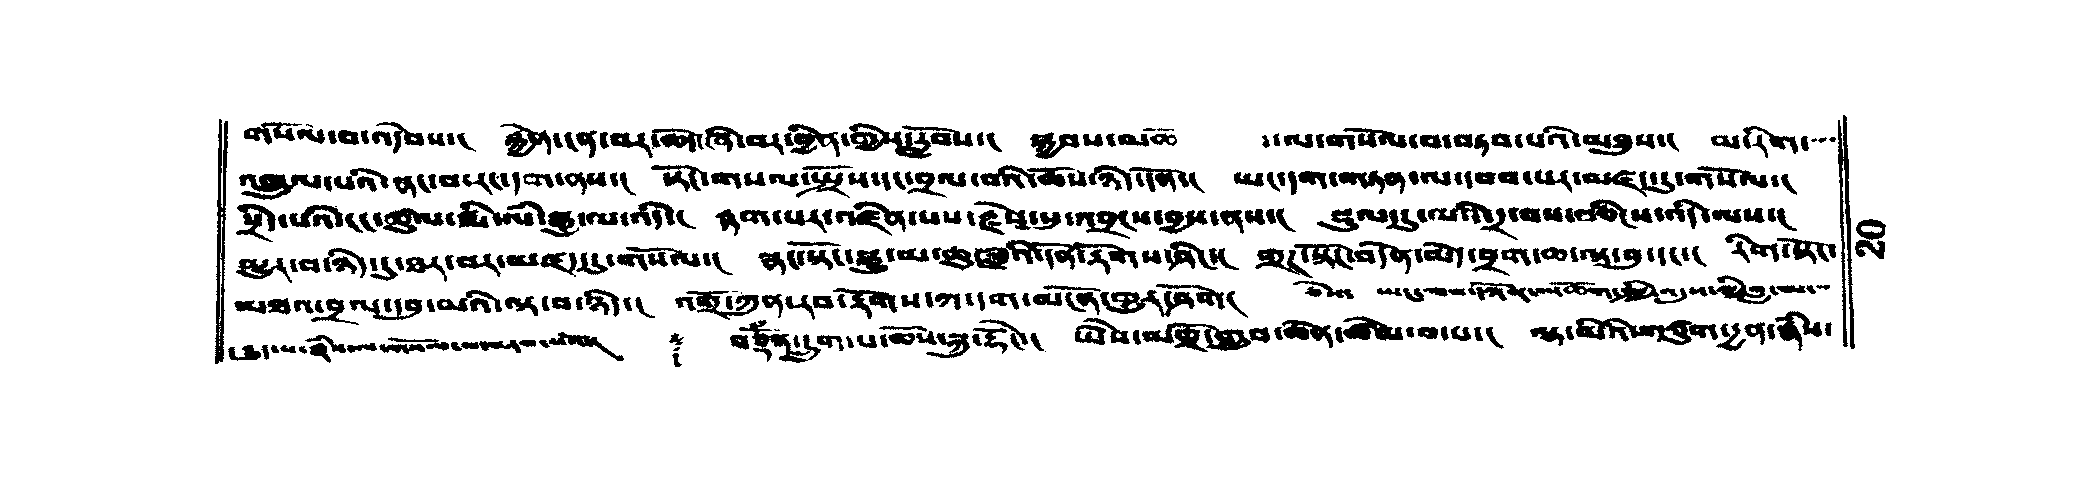གསོལ་བ་འདེབས། །རྐྱེན་ངན་བར་ཆད་ཞི་བར་བྱིན་གྱིས་རློབས། སྐྱབས་མཆོ་རྣམས་ལ་གསོལ་བ་བཏབ་པའི་མཐུས། །མ་རིག་
འཁྲུལ་པའི་སྣང་བ་རང་དག་ནས། །སྟོང་གསལ་སྤྲོས་དང་བྲལ་བའི་ཆོས་ཉིད་དོན། །ཡང་དག་གཏན་ལ་དབབ་པར་མཛད་དུ་གསེལ། །
སྲིད་པའི་ངང་ཚུལ་རྨི་ལམ་སྒྱུ་མ་འདི། །རྟག་པར་འཛིན་པས་རྗེས་སུ་འབྲངས་བྱས་ནས། །སྡུག་བསྔལ་དུ་མའི་དྲ་བས་བཅིངས་འདི་ལས། །
མྱུར་བ་ཉིད་དུ་ཐར་བར་མཛད་དུ་གསོལ། །སྣང་སྟོང་སྒྱུ་མ་ཆུ་ཟླའི་དོན་རྟོགས་ཤིང་། །གྲགས་སྟོང་བདེན་མེད་བྲག་ཆ་ལྟ་བུ་དང་། །རིག་སྟོག་
མཐའ་བྲལ་དབུ་མའི་ལྟ་བ་ཉིད།འགྲོ་ཀུན་རབ་རྟོགས་ཀ་དག་མངོན་གྱུར་ཤོག ཅེས་ཡང་ཟབ་དཀོན་མཆོག་སྤྱི་འདུས་ཀྱི་བླ་མ་
བརྒྱུད་པ་རྣམས་ལ་གསོལ་བ་བཏབ་པའོ། ༈ བཅོམ་ལྡན་དྲུག་པ་ཆོས་སྐུ་རྡོ་རྗེ་འཆང་། །ཡེ་ཤེས་མཁའ་འགྲོ་གྲུབ་ཆེན་ཚེམ་བུ་པ། །ལྷ་མིའི་གཙུག་རྒྱན་རྣམས་